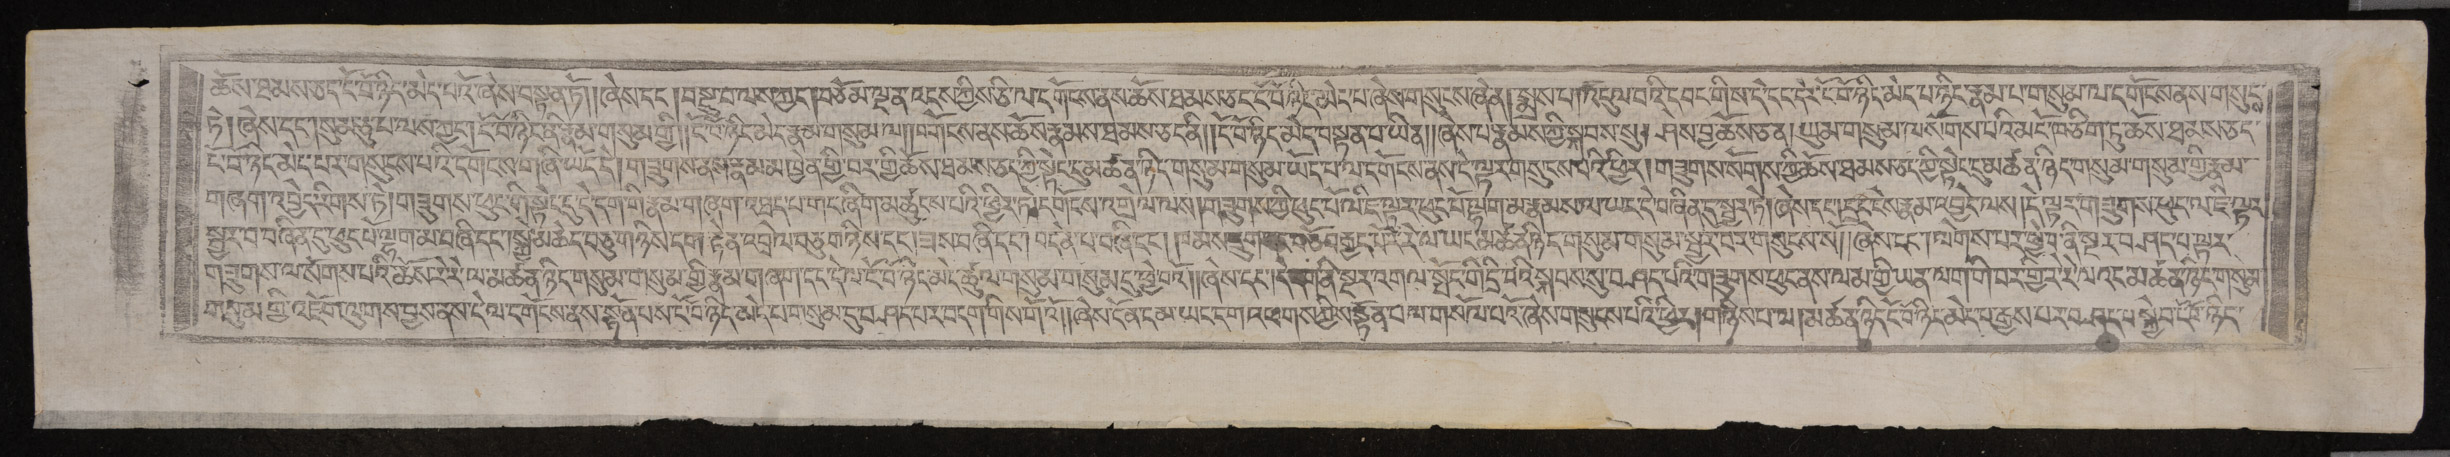ཆོས་ཐམས་ཅད་ངོ་བོ་ཉིད་མེད་པའོ་ཞེས་བསྟན་ཏོ། །ཞེས་དང་། བསྡུ་བ་ལས་ཀྱང་། བཅོམ་ལྡན་འདས་ཀྱིས་ཅི་ལ་དགོངས་ནས་ཆོས་ཐམས་ཅད་ངོ་བོ་ཉིད་མེད་པ་ཞེས་གསུངས་ཞེ་ན། སྨྲས་པ། འདུལ་བའི་དབང་གིས་དེ་དང་དེར་ངོ་བོ་ཉིད་མེད་པ་ཉིད་རྣམ་པ་གསུམ་ལ་དགོངས་ནས་གསུངས་
ཏེ༑ ཞེས་དང་། སུམ་ཅུ་པ་ལས་ཀྱང་། ངོ་བོ་ཉིད་ནི་རྣམ་གསུམ་གྱི། ངོ་བོ་ཉིད་མེད་རྣམ་གསུམ་ལ། །དགོངས་ནས་ཆོས་རྣམས་ཐམས་ཅད་ནི། །ངོ་བོ་ཉིད་མེད་བསྟན་པ་ཡིན། །ཞེས་པ་རྣམས་ཀྱི་སྐབས་སུ། ཤེས་བྱ་ཆོས་ཅན། ཡུམ་གསུམ་ལ་སོགས་བའི་མདོ་ཁ་ཅིག་ཏུ་ཆོས་ཐམས་ཅད་
ངོ་བོ་ཉིད་མེད་པར་གསུངས་པའི་དགོངས་གཞི་ཡོད་དེ། གཟུགས་ནས་རྣམ་མཁྱེན་གྱི་བར་གྱི་ཆོས་ཐམས་ཅད་ཀྱི་སྟེང་དུ་མཚན་ཉིད་གསུམ་གསུམ་ཡོད་པ་ལ་དགོངས་ནས་དེ་ལྟར་གསུངས་པའི་ཕྱིར། གཟུགས་སོགས་ཀྱིས་ཆོས་ཐམས་ཅད་ཀྱི་སྟེང་དུ་མཚན་ཉིད་གསུམ་གསུམ་གྱི་རྣམ་
གཞག་འབྱེད་རིགས་ཏེ། གཟུགས་ཕུང་གི་སྟེང་དུ་དེ་དག་གི་རྣམ་གཞག་འཐད་པ་གང་ཞིག་མཚུངས་པའི་ཕྱིར་ཏེ། དགོངས་འགྲེལ་ལས། གཟུགས་ཀྱི་ཕུང་པོ་ལ་ཇི་ལྟར་ཕུང་པོ་ལྷག་མ་རྣམས་ལ་ཡང་དེ་བཞིན་དུ་སྦྱར་ཏེ། ཞེས་དང་། དྲང་ངེས་རྣམ་འབྱེད་ལས། དེ་ལྟར་གཟུགས་ཕུང་ལ་ཇི་ལྟར་
སྦྱར་པ་བཞིན་དུ་ཕུང་པོ་ལྷག་མ་བཞི་དང་། སྐྱེ་མཆེད་བཅུ་གཉིས་དང་། རྟེན་འབྲེལ་བཅུ་གཉིས་དང་། ཟས་བཞི་དང་། བདེན་པ་བཞི་དང་། ཁམས་དྲུག་དང་བཅོ་བརྒྱད་པོ་རེ་རེ་ལ་ཡང་མཚན་ཉིད་གསུམ་གསུམ་སྦྱར་བར་གསུངས་སོ། །ཞེས་དང་། ལེགས་པར་ཕྱེ་བ་ནི་སྔར་བཤད་བ་ལྟར་
གཟུགས་ལ་སོགས་པའི་ཆོས་རེ་རེ་ལ་མཚན་ཉིད་གསུམ་གསུམ་གྱི་རྣམ་གཞག་དང་དེ་ལ་ངོ་བོ་ཉིད་མེད་ཚུལ་གསུམ་གསུམ་དུ་ཕྱེ་བའོ། །ཞེས་དང་། དེ་དག་ནི་སྔར་འགལ་སྤོང་གི་དྲི་བའི་སྐབས་སུ་བཤད་པའི་གཟུགས་ཕུང་ནས་ལམ་གྱི་ཡན་ལག་གི་བར་གྱི་རེ་རེ་ལའང་མཚན་ཉིད་གསུམ་
གསུམ་གྱི་འཇོག་ལུགས་བྱས་ནས་དེ་ལ་དགོངས་ནས་སྟོན་པས་ངོ་བོ་ཉིད་མེད་པ་གསུམ་དུ་བཤད་པར་བདག་གིས་གོའོ། །ཞེས་དོན་དམ་ཡང་དག་འཕགས་ཀྱིས་སྟོན་བ་ལ་གསོལ་བའོ་ཞེས་གསུངས་པའི་ཕྱིར། གཉིས་པ་ལ། མཚན་ཉིད་ངོ་བོ་ཉིད་མེད་པ་རྒྱས་པར་བཤད་པ་སྐྱེ་བ་ངོ་བོ་ཉིད་